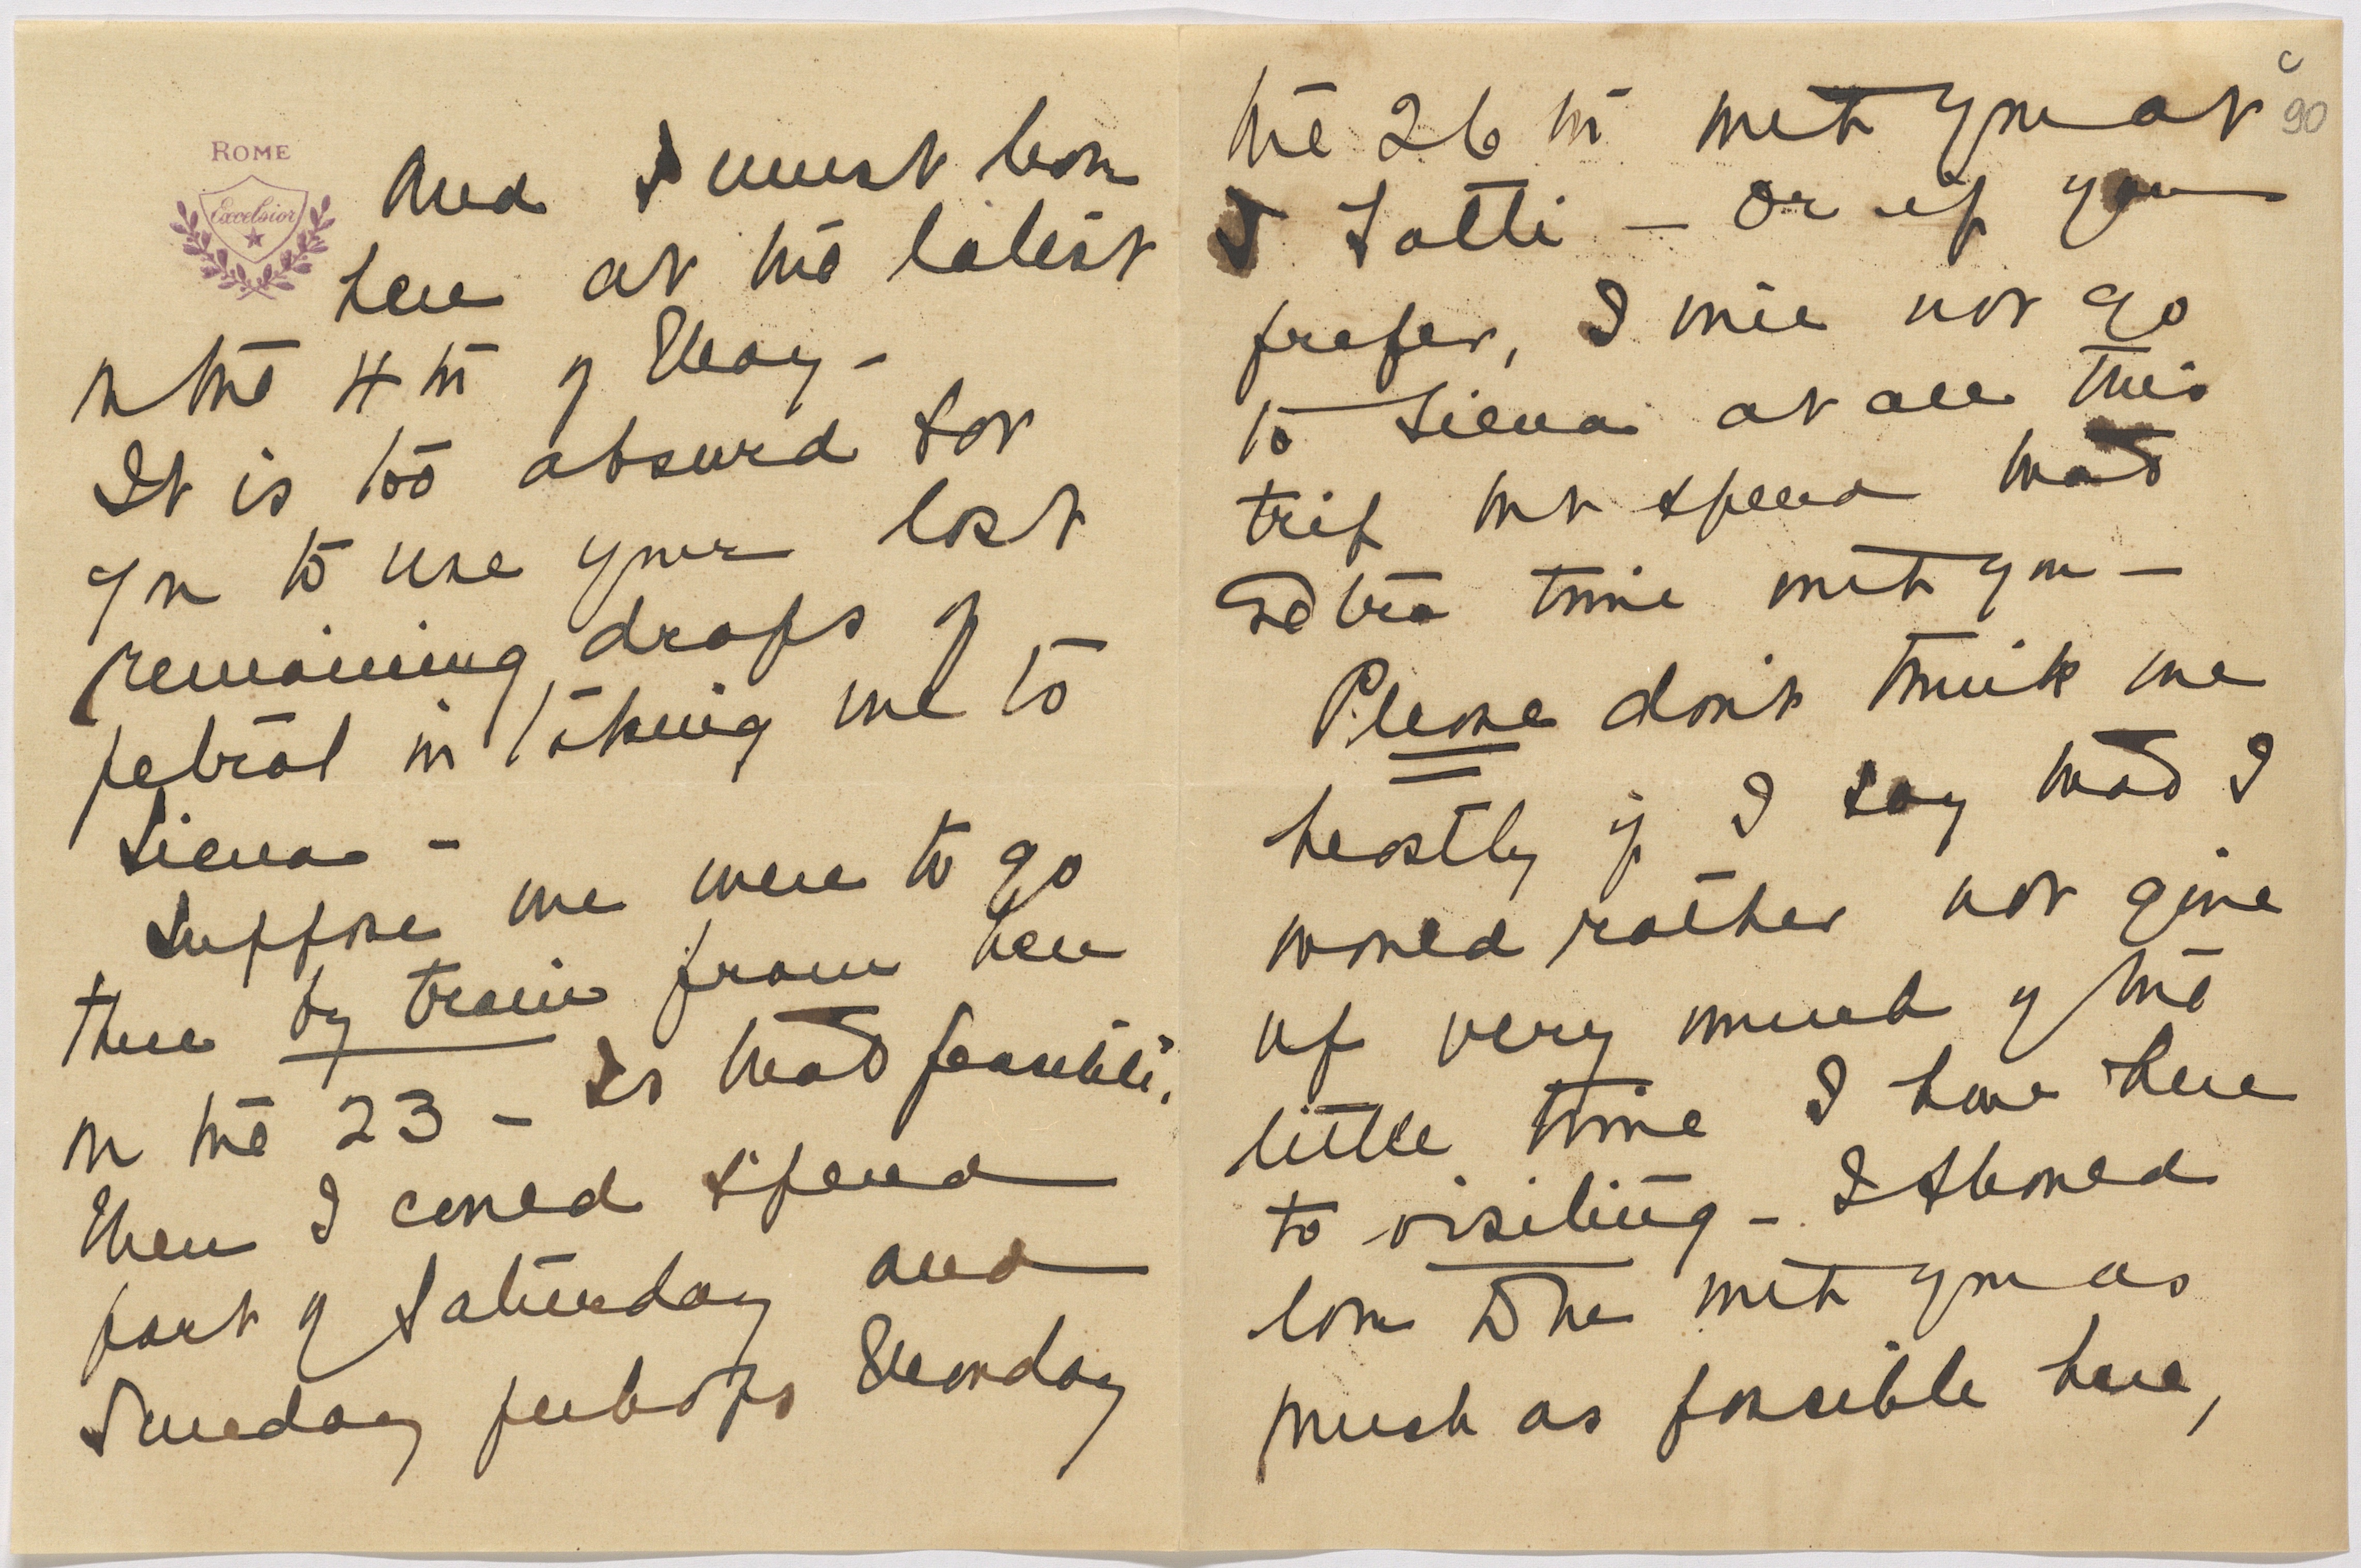and I must leave here at the latest on the 4th of May –
It is too absurd for you to use your last remaining drops of petrol in taking me to Siena –
Suppose we were to go there by train from here on the 23 – Is that feasible? Then I could spend part of Saturday and Sunday perhaps Monday
the 26th with you at I Tatti – Or if you prefer, I will not go to Siena at all this trip but spend that extra time with you –
[double underlined: Please] don't think me beastly if I say that I would rather not give up very much of the little time I have here to visiting – I should love to be with you as much as possible here,